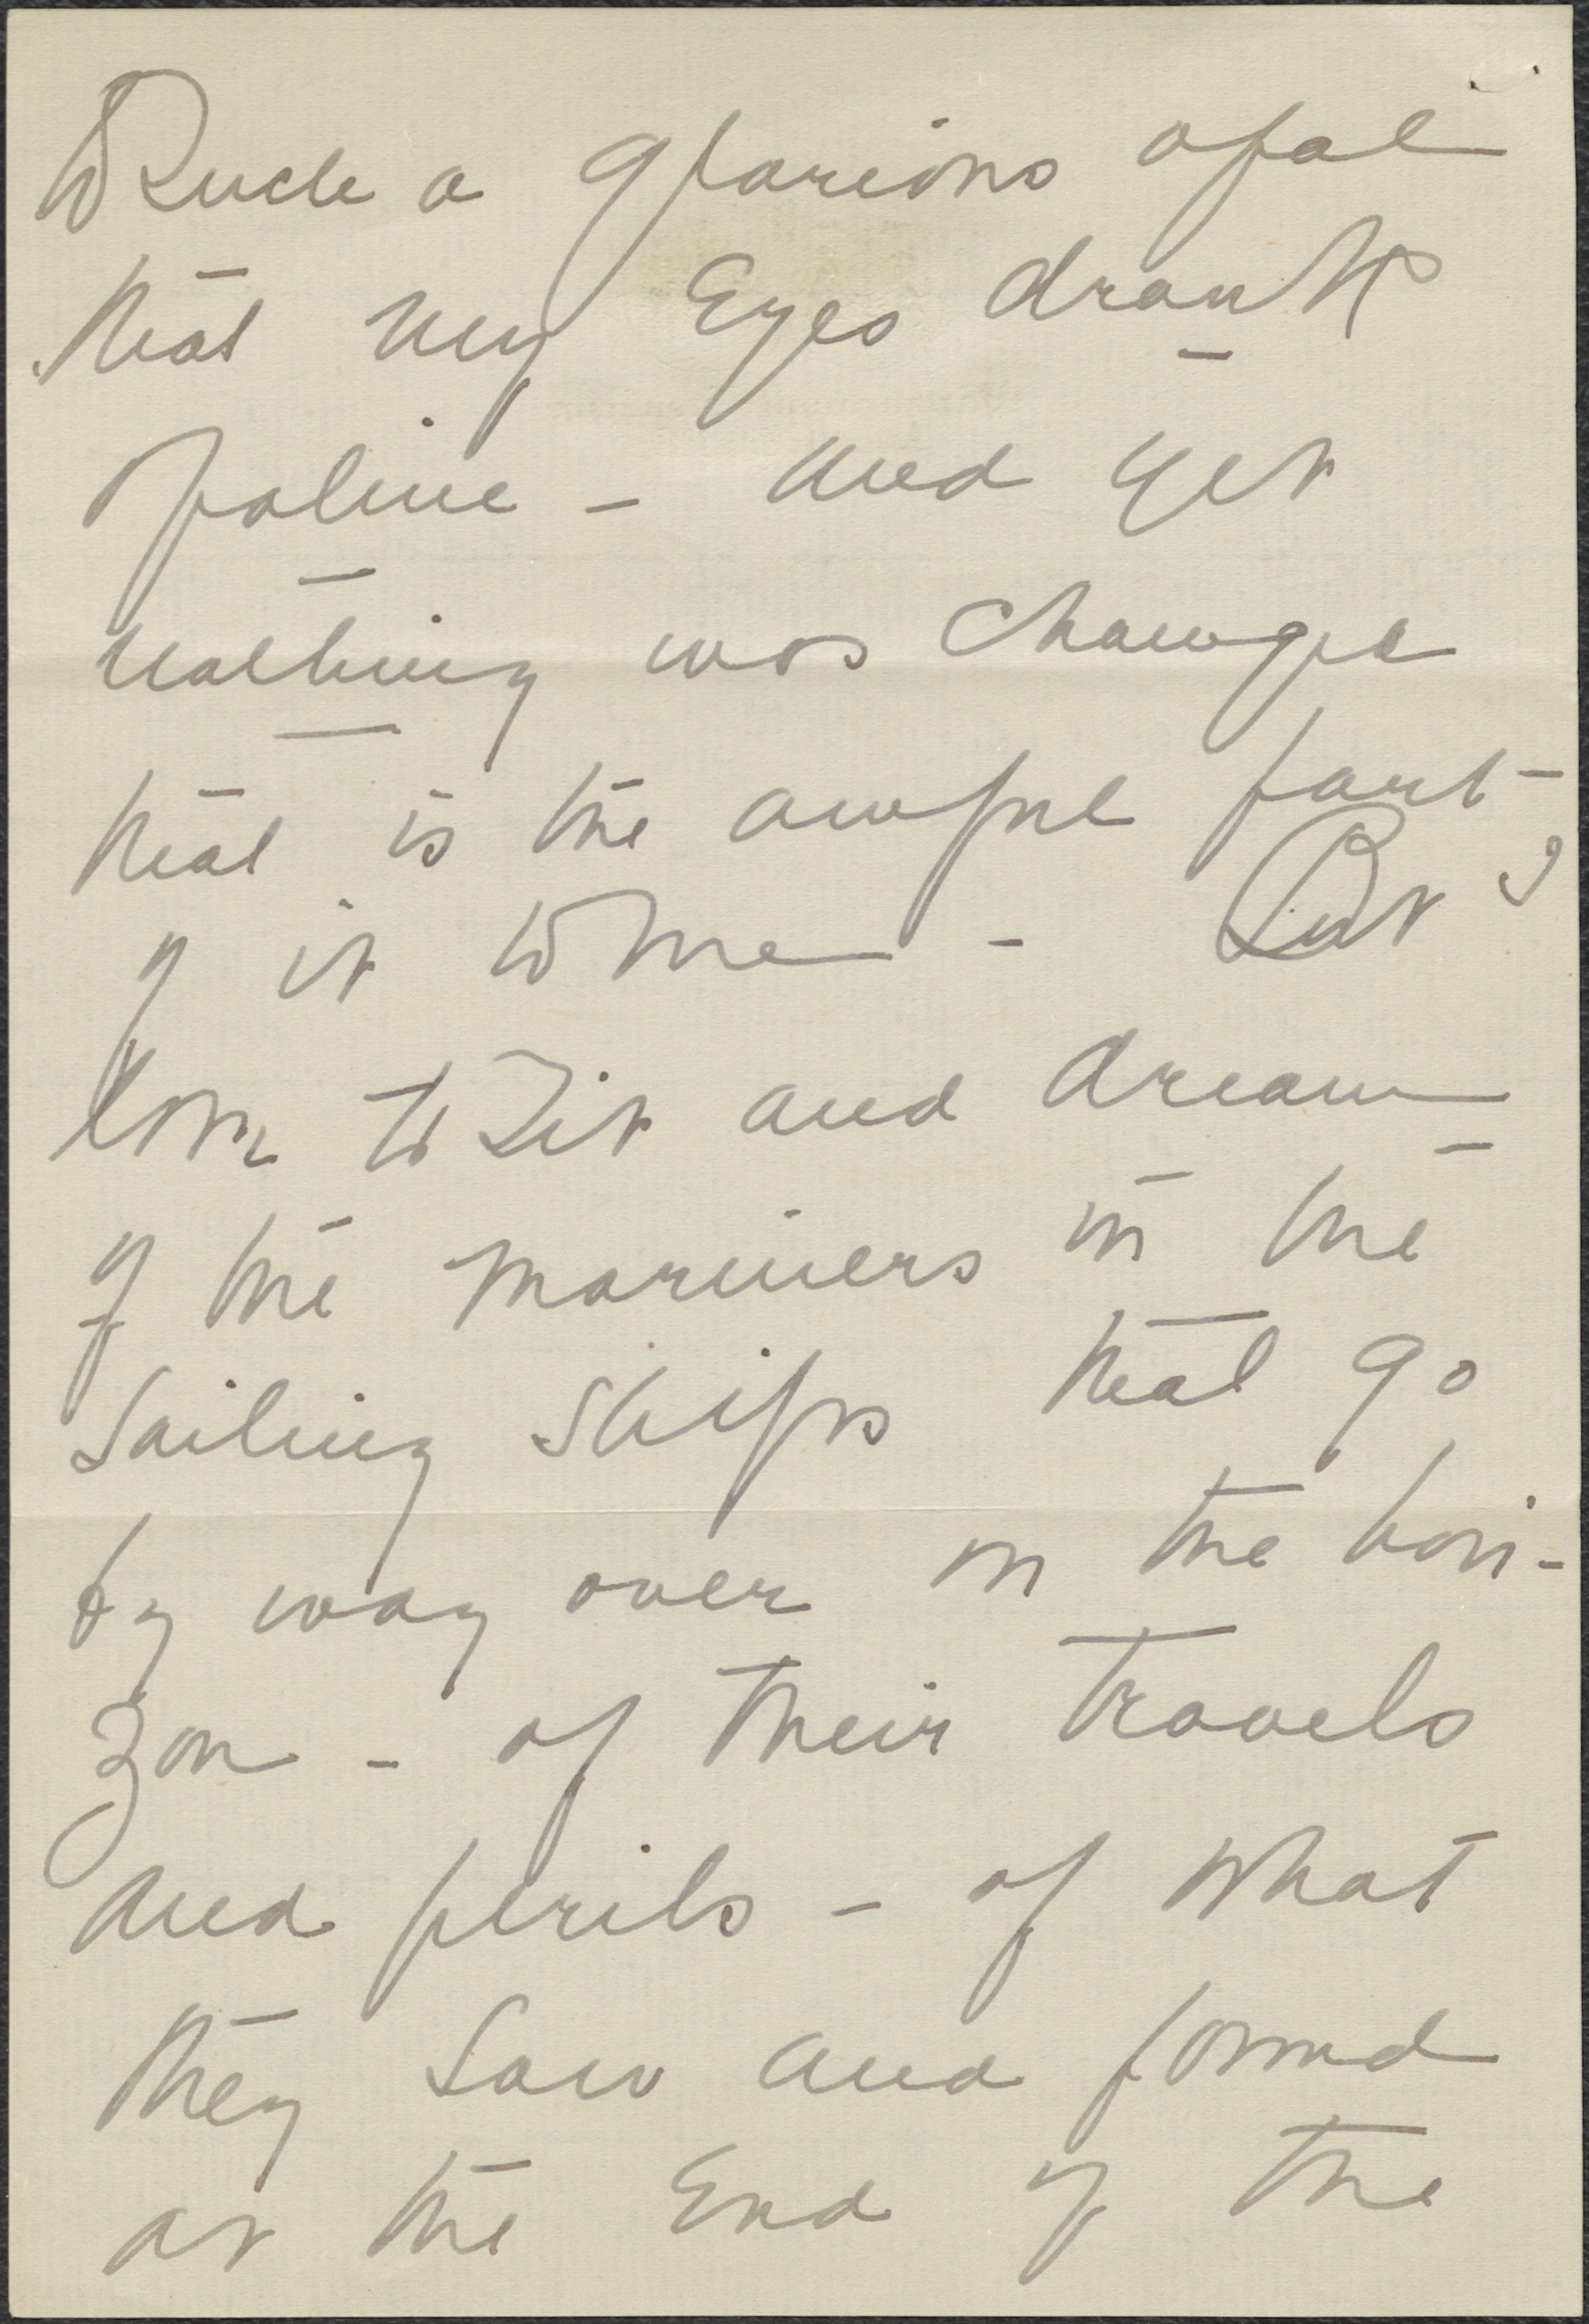to such a glorious opal that my eyes drank opaline – and yet nothing was changed that is the awful part of it to me – But I love to sit and dream of the mariners in the sailing ships that go by way over on the horizon – of their travels and perils – of what they saw and found at the end of the